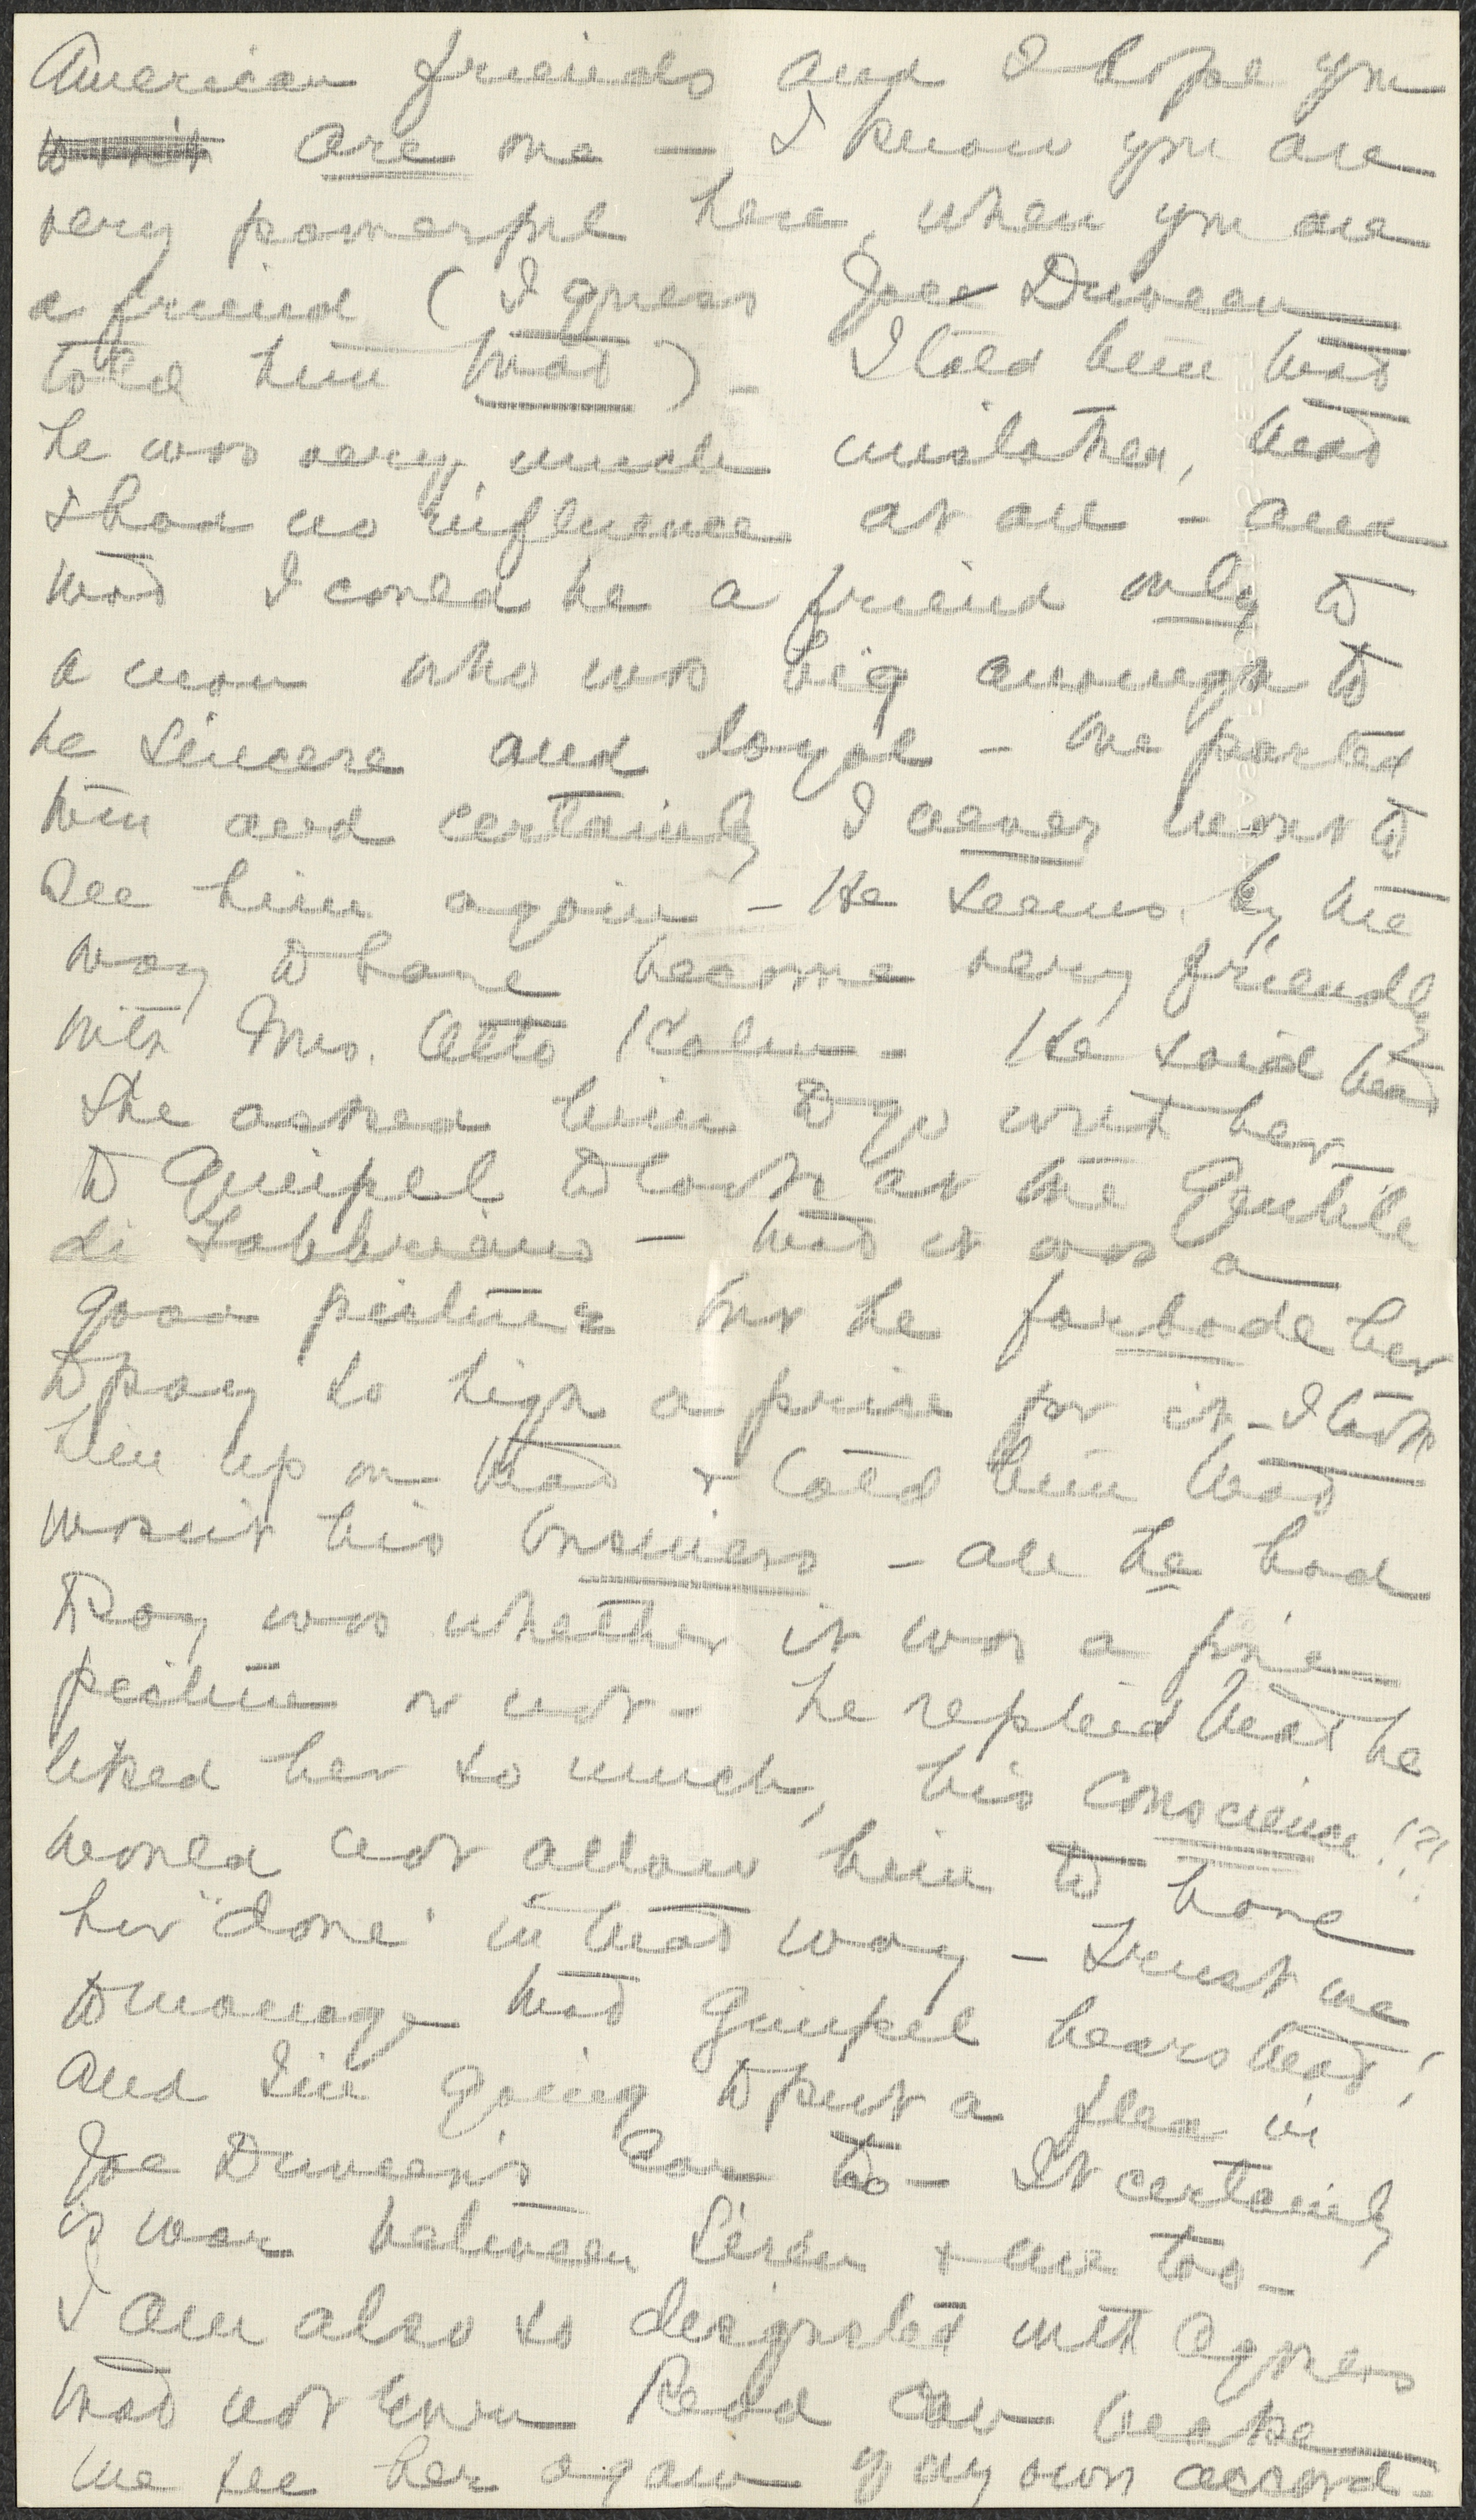American friends and I hope you won’t are one – I know you are very powerful here, when you are a friend (I guess Joee Duveen told him that) – I told him that he was very much mistaken, that I had no influence at all – and that I could be a friend only to a man who was big enough to be sincere and loyal – we parted then and certainly I never want to see him again – He seems by the way to have become very friendly with Mrs. Otto Kahn – He said that she asked him to go with her to Gimpel to look at the Gentile da Fabbrriano [sic] – that it was a good picture but he forbade her to pay so high a price for it – I took him up on that & told him that wasn’t his business – all he had to say was whether it was a fine picture or not – he replied that he liked her so much, his [double underlined: conscience]!?! would not allow him to have her “done” in that way – Trust me to manage that Gimpel hears that! And I’m going to put a flea in Joe Duveen’s ear too – It certainly is war between Sirén & me too – I am also so disgusted with Agoness that not even Read can make me see her again of my own accord –